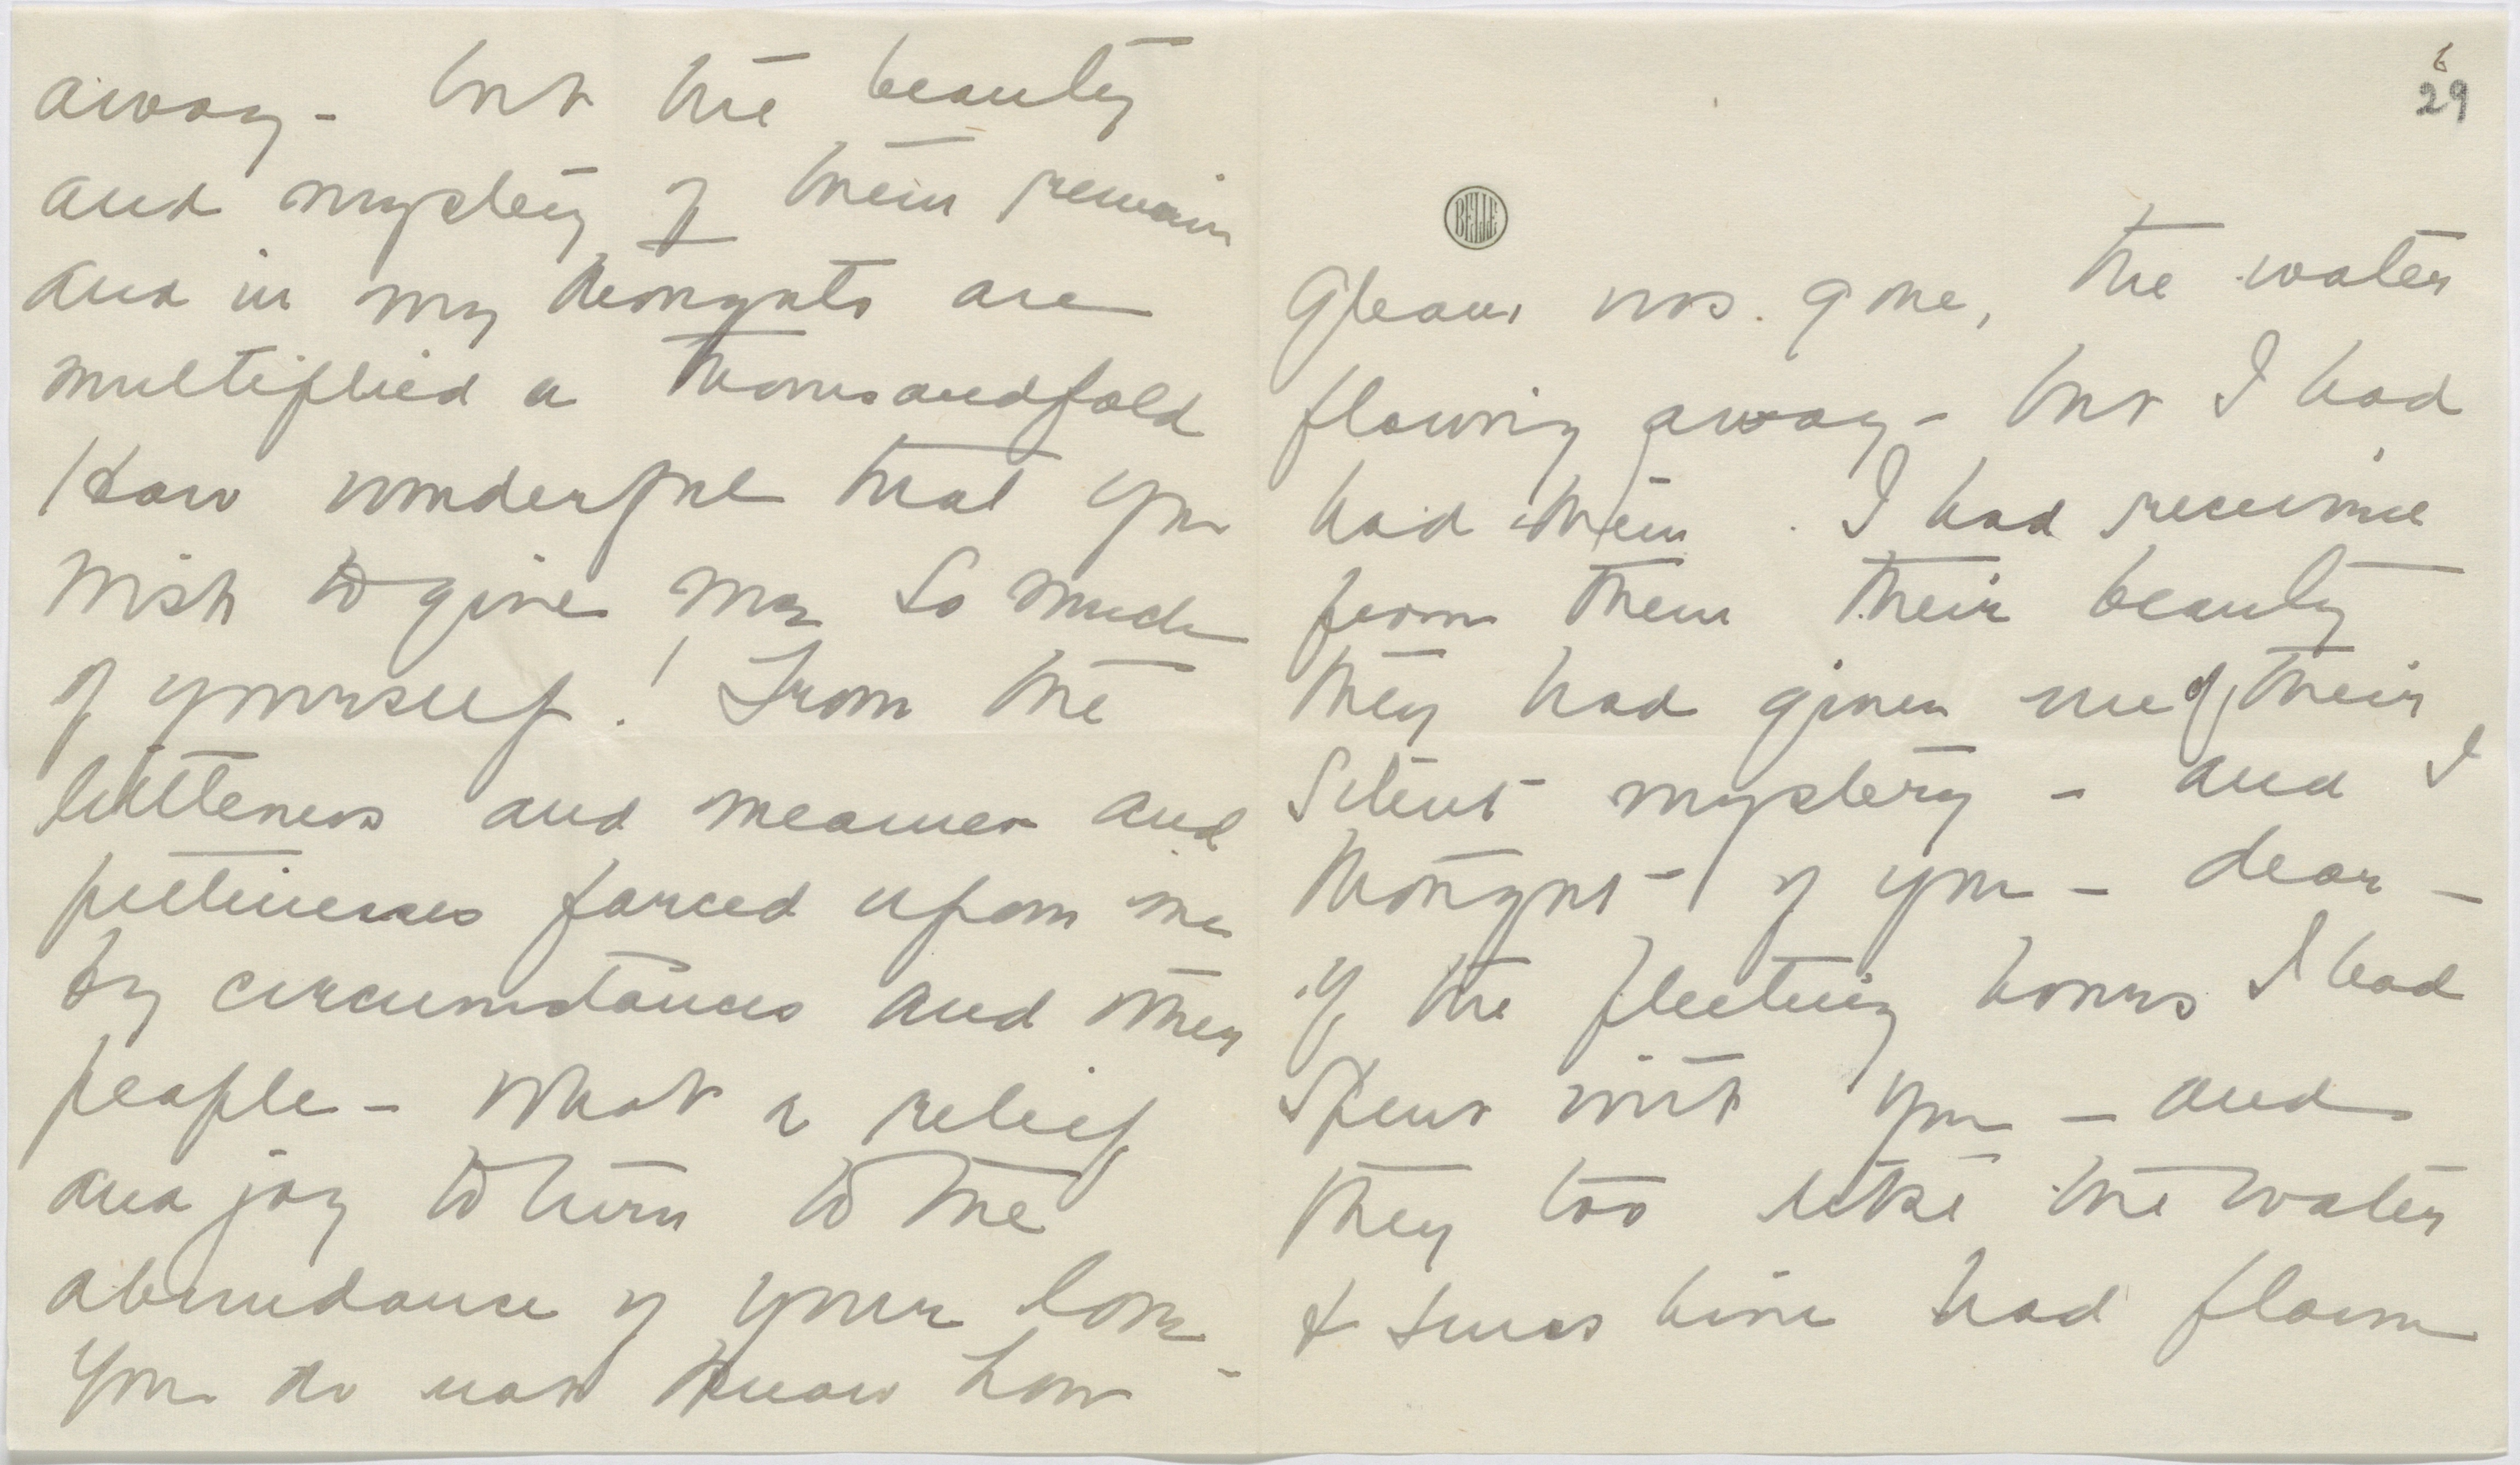gleam was gone, the water flowing away – but I had had them. I had received from them their beauty they had given me of their silent mystery – and I thought of you – dear – of the fleeting hours I had spent with you – and they too like the water & sunshine had flown
away – but the beauty and mystery of them remain and in my thoughts are multiplied a thousandfold
How wonderful that you wish to give me so much of yourself! From the littleness and meanness and pettinesses forced upon me by circumstances and other people – what a relief and joy to turn to the abundance of your love – you do not know how